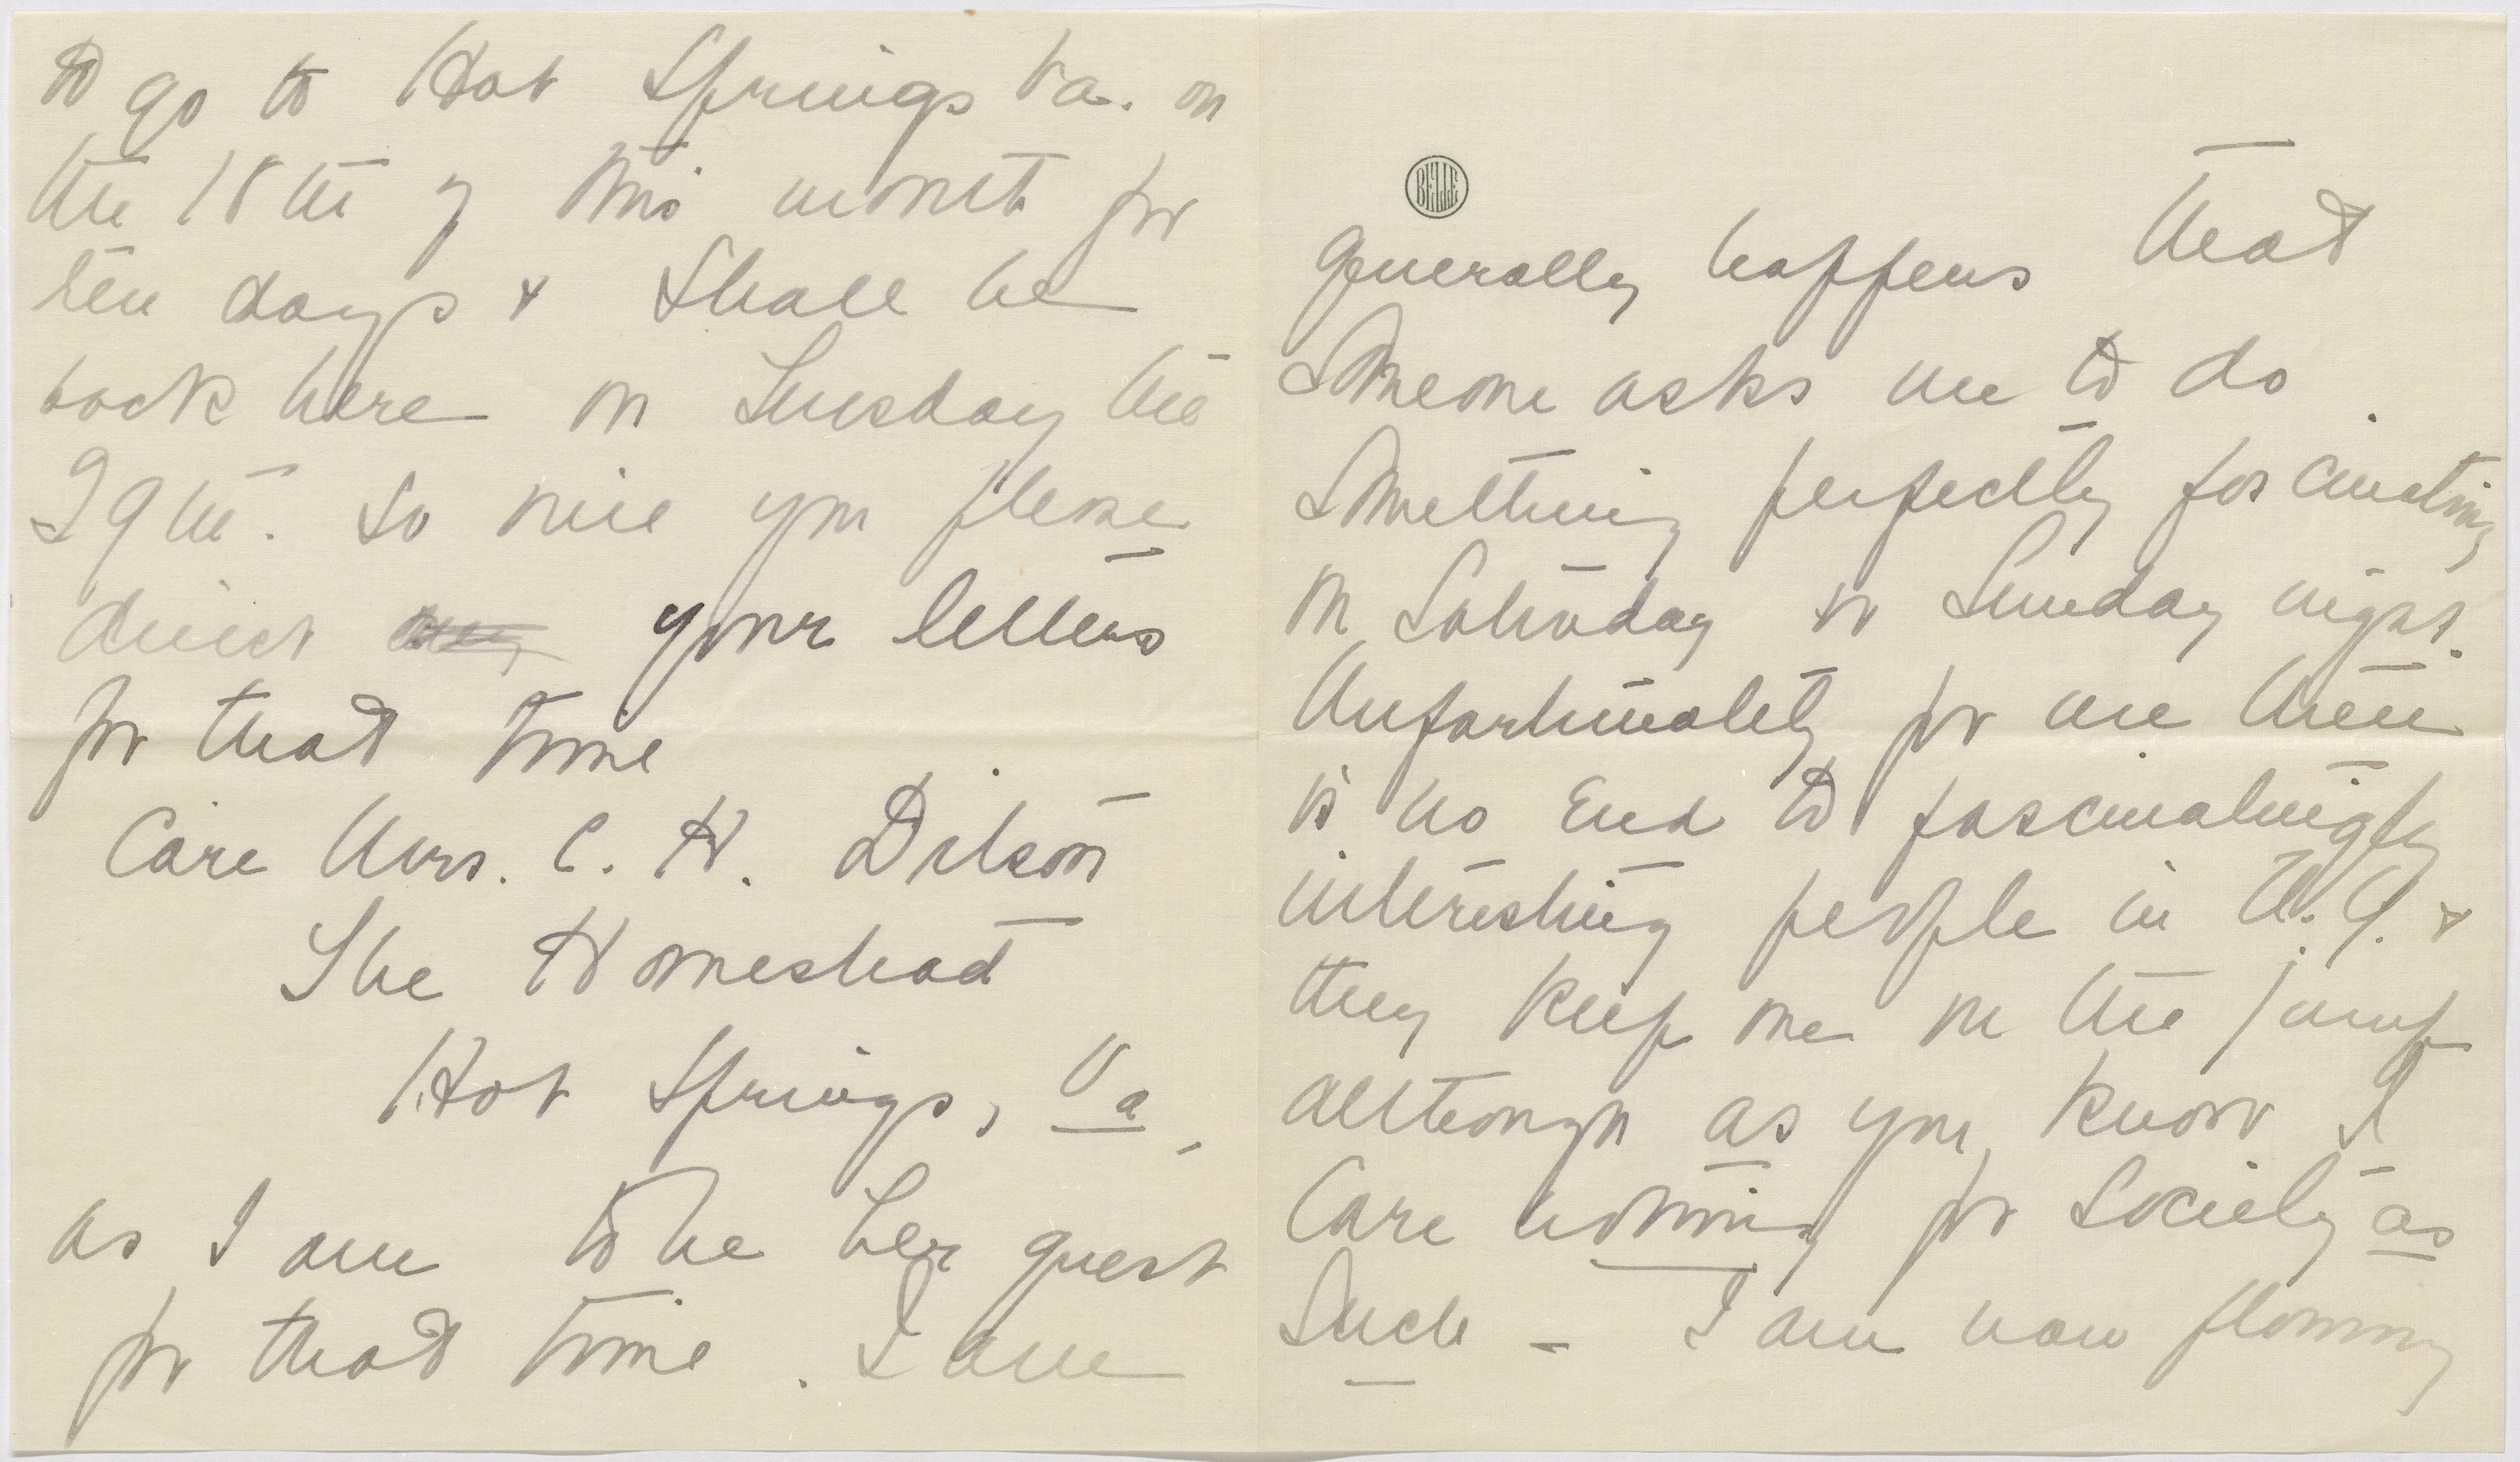generally happens that someone asks me to do something perfectly fascinating on Saturday or Sunday night. Unfortunately for me there is no end to fascinatingly interesting people in N.Y. & they keep me on the jump although as you know I care nothing for society as such – I am now planning
to go to Hot Springs Va. on the 18th of this month for ten days & shall be back here on Tuesday the 29th. So will you please direct my your letters for that time
Care Mrs. C. H. Ditson
The Homestead
Hot Springs, Va,
as I am to be her guest for that time. I am